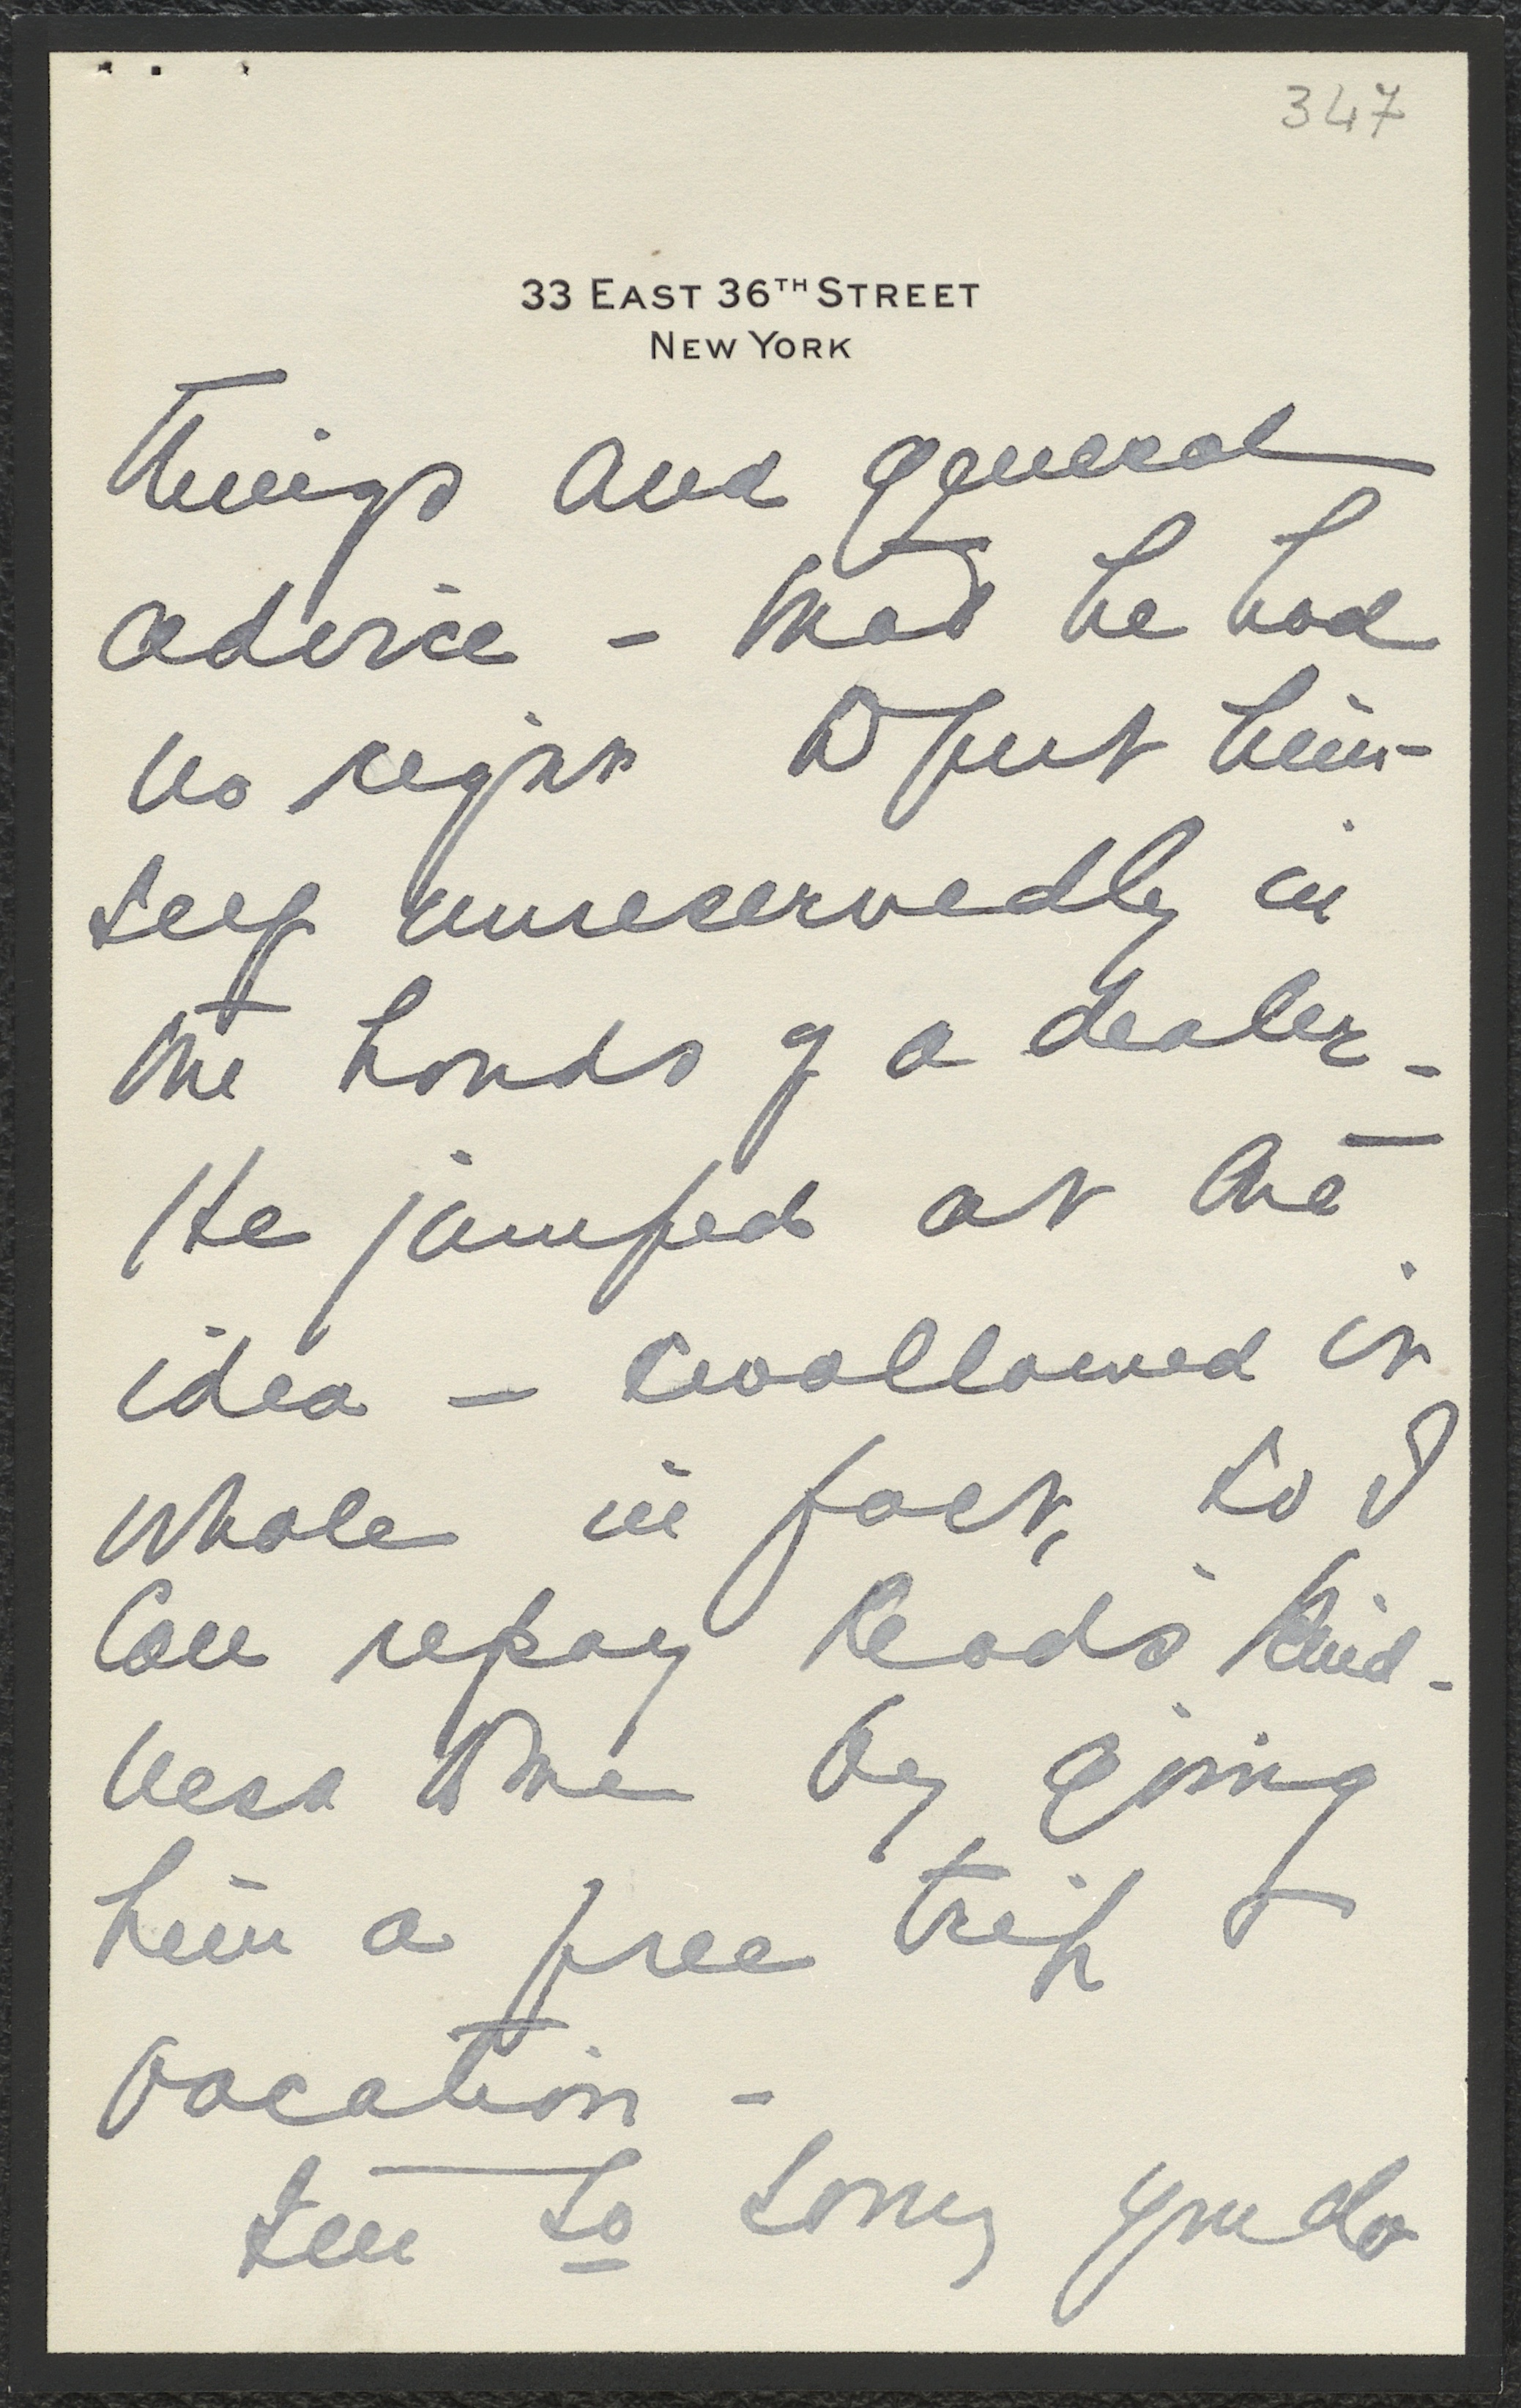things and general advice – that he had no right to put himself unreservedly in the hands of a dealer – he jumped at the idea – swallowed it whole in fact, so I can repay Read’s kindness to me by giving him a free trip & vacation –
I’m so sorry you do